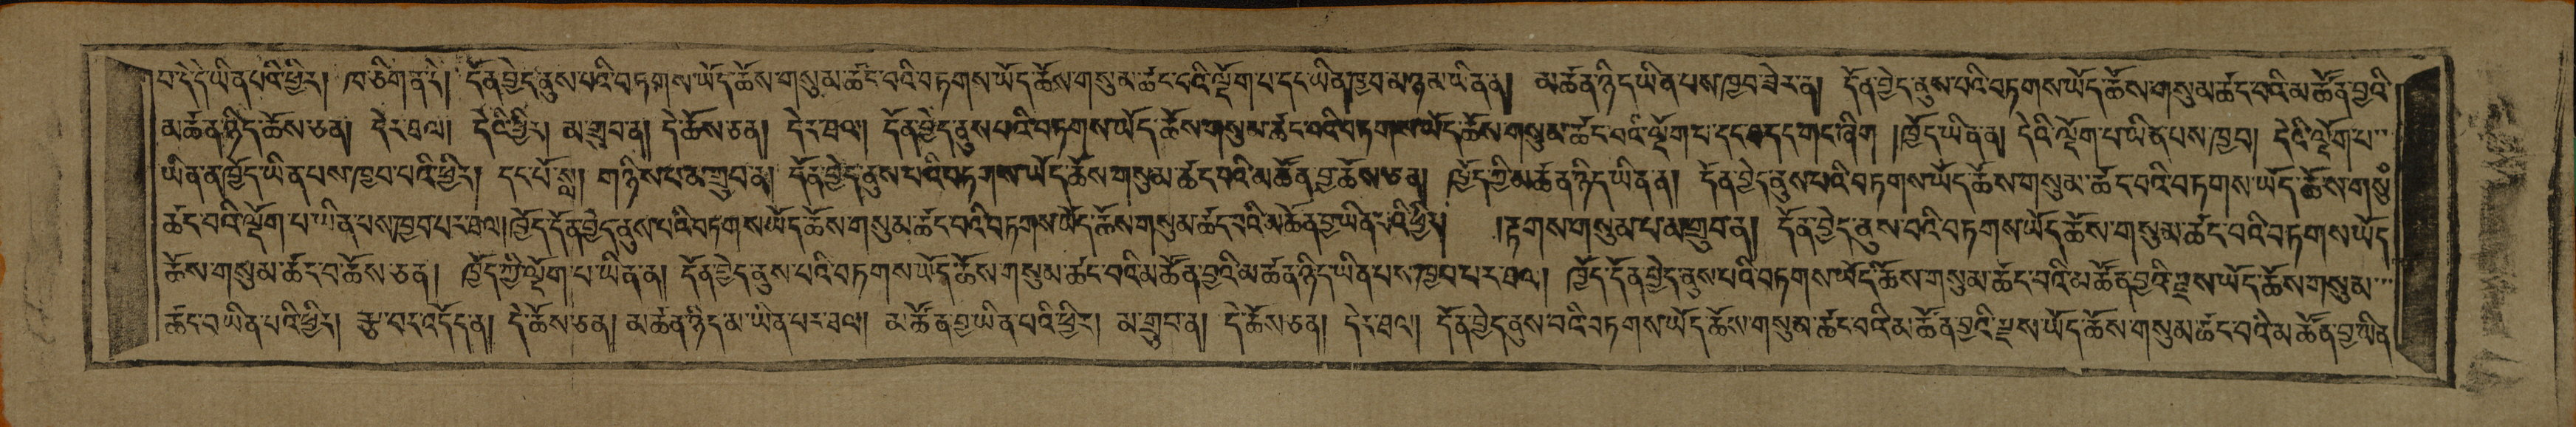བ་དེ་དེ་ཡིན་པའི་ཕྱིར། ཁ་ཅིག་ན་རེ། དོན་བྱེད་ནུས་པའི་བཏགས་ཡོད་ཆོས་གསུམ་ཚང་བའི་བཏགས་ཡོད་ཆོས་གསུམ་ཚང་བའི་ལྡོག་པ་དང་ཡིན་ཁྱབ་མཉམ་ཡིན་ན། མཚན་ཉིད་ཡིན་པས་ཁྱབ་ཟེར་ན། དོན་བྱེད་ནུས་པའི་བཏགས་ཡོད་ཆོས་གསུམ་ཚང་བའི་མཚོན་བྱའི་
མཚན་ཉིད་ཆོས་ཅན། དེར་ཐལ། དེའི་ཕྱིར། མ་གྲུབ་ན། དེ་ཆོས་ཅན། དེར་ཐལ། དོན་བྱེད་ནུས་པའི་བཏགས་ཡོད་ཆོས་གསུམ་ཚང་བའི་བཏགས་ཡོད་ཆོས་གསུམ་ཚང་བའི་ལྡོག་པ་དང་ཐ་དད་གང་ཞིག །ཁྱོད་ཡིན་ན། དེའི་ལྡོག་པ་ཡིན་པས་ཁྱབ། དེའི་ལྡོག་པ་
ཡིན་ན་ཁྱོད་ཡིན་པས་ཁྱབ་པའི་ཕྱིར། དང་པོ་སླ། གཉིས་པ་མ་གྲུབ་ན། དོན་བྱེད་ནུས་པའི་བཏགས་ཡོད་ཆོས་གསུམ་ཚང་བའི་མཚོན་བྱ་ཆོས་ཅན། ཁྱོད་ཀྱི་མཚན་ཉིད་ཡིན་ན། དོན་བྱེད་ནུས་པའི་བཏགས་ཡོད་ཆོས་གསུམ་ཚང་བའི་བཏགས་ཡོད་ཆོས་གསུམ་
ཚང་བའི་ལྡོག་པ་ཡིན་པས་ཁྱབ་པར་ཐལ། ཁྱོད་དོན་བྱེད་ནུས་པའི་བཏགས་ཡོད་ཆོས་གསུམ་ཚང་བའི་བཏགས་ཡོད་ཆོས་གསུམ་ཚང་བའི་མཚོན་བྱ་ཡིན་པའི་ཕྱིར། །རྟགས་གསུམ་པ་མ་གྲུབ་ན། དོན་བྱེད་ནུས་པའི་བཏགས་ཡོད་ཆོས་གསུམ་ཚང་བའི་བཏགས་ཡོད་
ཆོས་གསུམ་ཚང་བ་ཆོས་ཅན། ཁྱོད་ཀྱི་ལྡོག་པ་ཡིན་ན། དོན་བྱེད་ནུས་པའི་བཏགས་ཡོད་ཆོས་གསུམ་ཚང་བའི་མཚོན་བྱའི་མཚན་ཉིད་ཡིན་པས་ཁྱབ་པར་ཐལ། ཁྱོད་དོན་བྱེད་ནུས་པའི་བཏགས་ཡོད་ཆོས་གསུམ་ཚང་བའི་མཚོན་བྱའི་རྫས་ཡོད་ཆོས་གསུམ་
ཚང་བ་ཡིན་པའི་ཕྱིར། རྩ་བར་འདོད་ན། དེ་ཆོས་ཅན། མཚན་ཉིད་མ་ཡིན་པར་ཐལ། མཚོན་བྱ་ཡིན་པའི་ཕྱིར། མ་གྲུབ་ན། དེ་ཆོས་ཅན། དེར་ཐལ། དོན་བྱེད་ནུས་པའི་བཏགས་ཡོད་ཆོས་གསུམ་ཚང་བའི་མཚོན་བྱའི་རྫས་ཡོད་ཆོས་གསུམ་ཚང་བའི་མཚོན་བྱ་ཡིན་